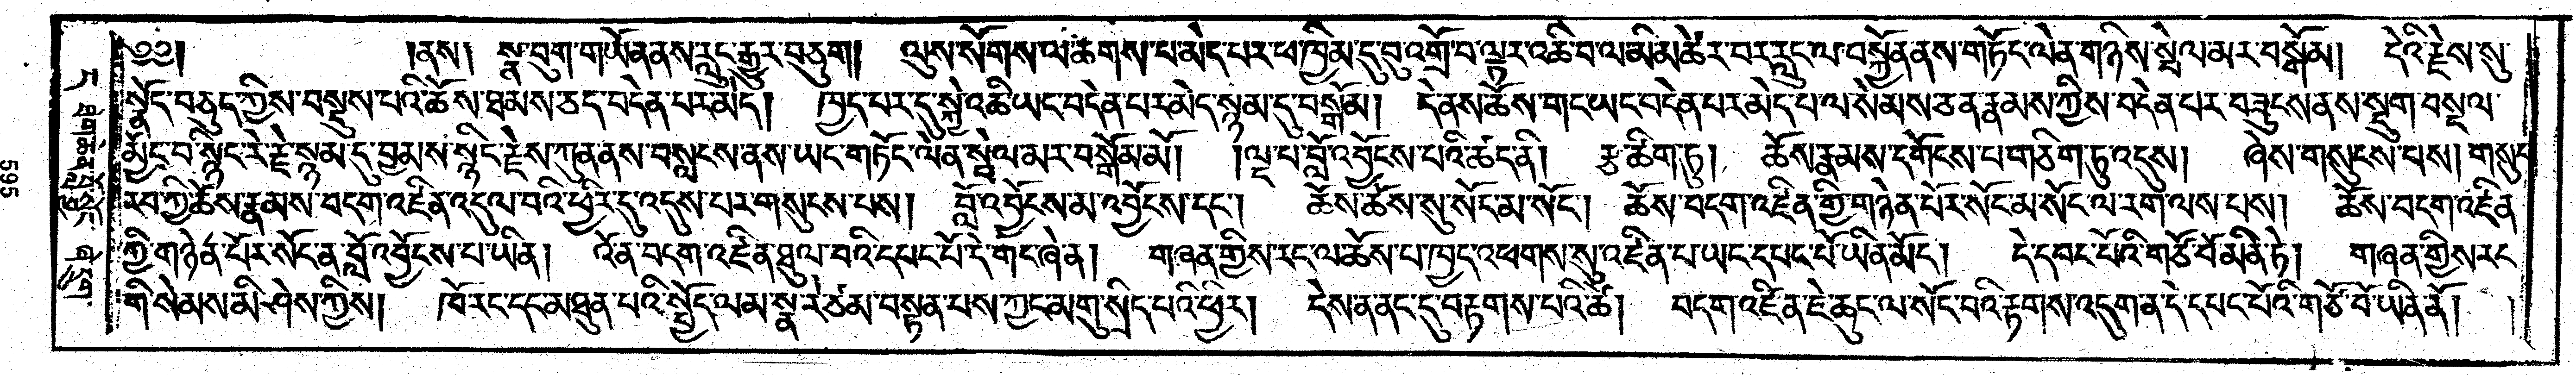༄༅། །ནས། སྣ་བུག་གཡོན་ནས་རླུང་རྒྱུར་བཅུག། ལུས་སོགས་ལ་ཆགས་པ་མེད་པར་ཕ་ཁྱིམ་དུ་བུ་འགྲོ་བ་ལྟར་འཆི་བ་ལ་མི་མཚེར་བར་རླུང་ལ་བསྐྱོན་ནས་གཏོང་ལེན་གཉིས་སྤེལ་མར་བསྒོམ། དེའི་རྗེས་སུ་
སྣོད་བཅུད་ཀྱིས་བསྡུས་པའི་ཆོས་ཐམས་ཅད་བདེན་པར་མེད། ཁྱད་པར་དུ་སྐྱེ་འཆི་ཡང་བདེན་པར་མེད་སྙམ་དུ་བསྒོམ། དེ་ནས་ཆོས་གང་ཡང་བདེན་པར་མེད་པ་ལ་སེམས་ཅན་རྣམས་ཀྱིས་བདེན་པར་བཟུངས་ནས་སྡུག་བསྔལ་
མྱོང་བ་སྙིང་རེ་རྗེ་སྙམ་དུ་བྱམས་སྙིང་རྗེས་ཀུན་ནས་བསླངས་ནས་ཡང་གཏོང་ལེན་སྦེལ་མར་བསྒོམ་མོ། །ལྔ་པ་བློ་འབྱོངས་པའི་ཚད་ནི། རྩ་ཚིག་ཏུ། ཆོས་རྣམས་དགོངས་པ་གཅིག་ཏུ་འདུས། ཞེས་གསུངས་པས། གསུང་
རབ་ཀྱི་ཆོས་རྣམས་བདག་འཛིན་འདུལ་བའི་ཕྱིར་དུ་འདུས་པར་གསུངས་པས། བློ་འབྱོངས་མ་འབྱོངས་དང་། ཆོས་ཆོས་སུ་སོང་མ་སོང་། ཆོས་བདག་འཛིན་གྱི་གཉེན་པོར་སོང་མ་སོང་ལ་རག་ལས་པས། ཆོས་བདག་འཛིན་
ཀྱི་གཉེན་པོར་སོང་ན་བློ་འབྱོངས་པ་ཡིན། འོ་ན་བདག་འཛིན་ཐུལ་པའི་དབང་པོ་དེ་གང་ཞེ་ན། གཞན་གྱིས་རང་ལ་ཆོས་པ་ཁྱད་འཕགས་སུ་འཛིན་པ་ཡང་དཔང་པོ་ཡིན་མོད། དེ་དབང་པོའི་གཙོ་བོ་མིན་ཏེ། གཞན་གྱིས་རང་
གི་སེམས་མི་ཤེས་ཀྱིས། ཁོ་རང་དང་མཐུན་པའི་སྤྱོད་ལམ་སྣ་རེ་ཙམ་བསྟན་པས་ཀྱང་མགུ་སྲིད་པའི་ཕྱིར། དེས་ན་ནང་དུ་བརྟགས་པའི་ཚེ། བདག་འཛིན་ཇེ་ཆུང་ལ་སོང་བའི་རྟགས་འདུག་ན་དེ་དཔང་པོའི་གཙོ་བོ་ཡིན་ནོ། །